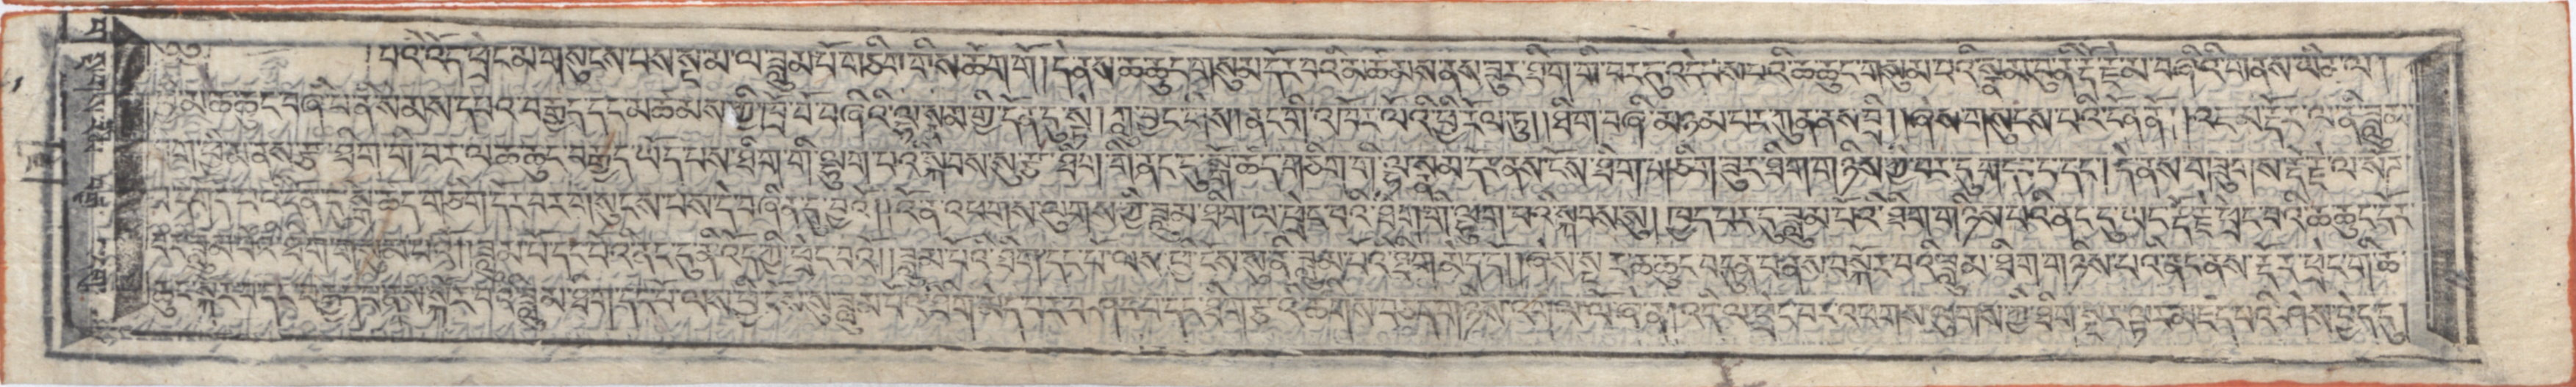༄༅། །པའི་འོད་ཕྲེང་མ་གསུངས་པས་སྔ་མ་ལ་ཟླུམ་པོ་གཅིག་གིས་ཆོག་གོ །དེ་ནས་ཆ་ཆུང་གསུམ་དོར་བའི་མཚམས་ནས་ཟུར་ཐིག་གི་བར་དུ་འདེབས་པའི་ཆ་ཆུང་གསུམ་པའི་སྣམ་བུ་ནི་རྡོ་རྗེ་མ་བཞིའི་གནས་ཡིན་ལ།
ཕྱི་མ་ཆ་ཆུང་བཞི་པ་ནི་སེམས་དཔའ་བརྒྱད་དང་མཚམས་ཀྱི་ཁྲོ་བོ་བཞིའི་ལྷ་སྣམ་གྱི་དོན་དུ་སྟེ། ཀླུ་བྱང་གིས། ནང་གི་འཁོར་ལོའི་ཕྱི་རོལ་ཏུ། །ཐིག་བཞི་མཉམ་པར་ཀུན་ནས་བྲི། །ཞེས་གསུངས་པའི་དོན་ནོ། །འཇམ་རྡོར་ལ་ནི་ཟླུམ་
ཐིག་ཕྱི་མ་ནས་རྩ་ཐིག་གི་བར་ལ་ཆ་ཆུང་བརྒྱད་ཡོད་པས་ཐིག་གི་ལྷུག་པའི་སྐབས་སུ་རྩ་ཐིག་གི་ནང་དུ་སྒོ་ཚད་གཅིག་གི་ལྷ་སྣམ་དོར་ནས་ངོས་ཐིག་གཅིག་ཟུར་ཐིག་གཉིས་ཀྱི་བར་དུ་གདབ་པ་དང་། དེ་ནས་གཟུགས་རྡོ་རྗེ་ལ་སོཌ་
པ་དགོད་པའི་དོན་དུ་སྒོ་ཚད་གཅིག་དོར་བར་གསུངས་པས་དེ་བཞིན་དུ་བྱའོ། །འོ་ན་འཕགས་ལུགས་ཀྱི་ཟླུམ་ཐིག་ལ་ཕྲེང་བའི་ཐིག་གི་ལྷུག་པའི་སྐབས་སུ། ཁྱད་པར་དུ་ཟླུམ་པོའི་ཐིག་གཉིས་པའི་ནང་དུ་ཡང་རྡོ་རྗེ་ཕྲེང་བའི་ཆ་ཆུང་དོར་
བར་ཟླུམ་པོའི་ཐིག་གསུམ་པའོ། །ཟླུམ་པོ་དང་པོའི་ནང་དུ་ནི་འོད་ཀྱི་ཕྲེང་བའོ། །ཟླུམ་པོའི་ཐིག་དང་པོ་ལས་ཕྱི་ངོས་སུ་ནི་ཟླུམ་པོའི་ཐིག་མེད་དོ། །ཞེས་སྔར་ཆ་ཆུང་བདུན་པ་ནས་བསྐོར་བའི་ཟླུམ་ཐིག་གཉིས་པའི་ནང་ནས་རྡོར་ཕྲེང་གི་ཆ་
ཆུང་སྐོར་བ་དང་བརྒྱད་པ་ནས་སྐོར་བའི་ཟླུམ་ཐིག་དང་པོ་ལས་ཕྱི་ངོས་སུ་ཟླུམ་པོའི་ཐིག་མེད་པར་བཤད་པ་དང་ཐིག་རྩའི་ཚིགས་བཅད་གཉིས་འགལ་ལོ་ཞེ་ན། འདི་ལ་ཕྲེང་བར་འཕགས་ལུགས་ཀྱི་ཐིག་སྔར་ལྟར་མཛད་པའི་ཤེས་བྱེད་དུ།